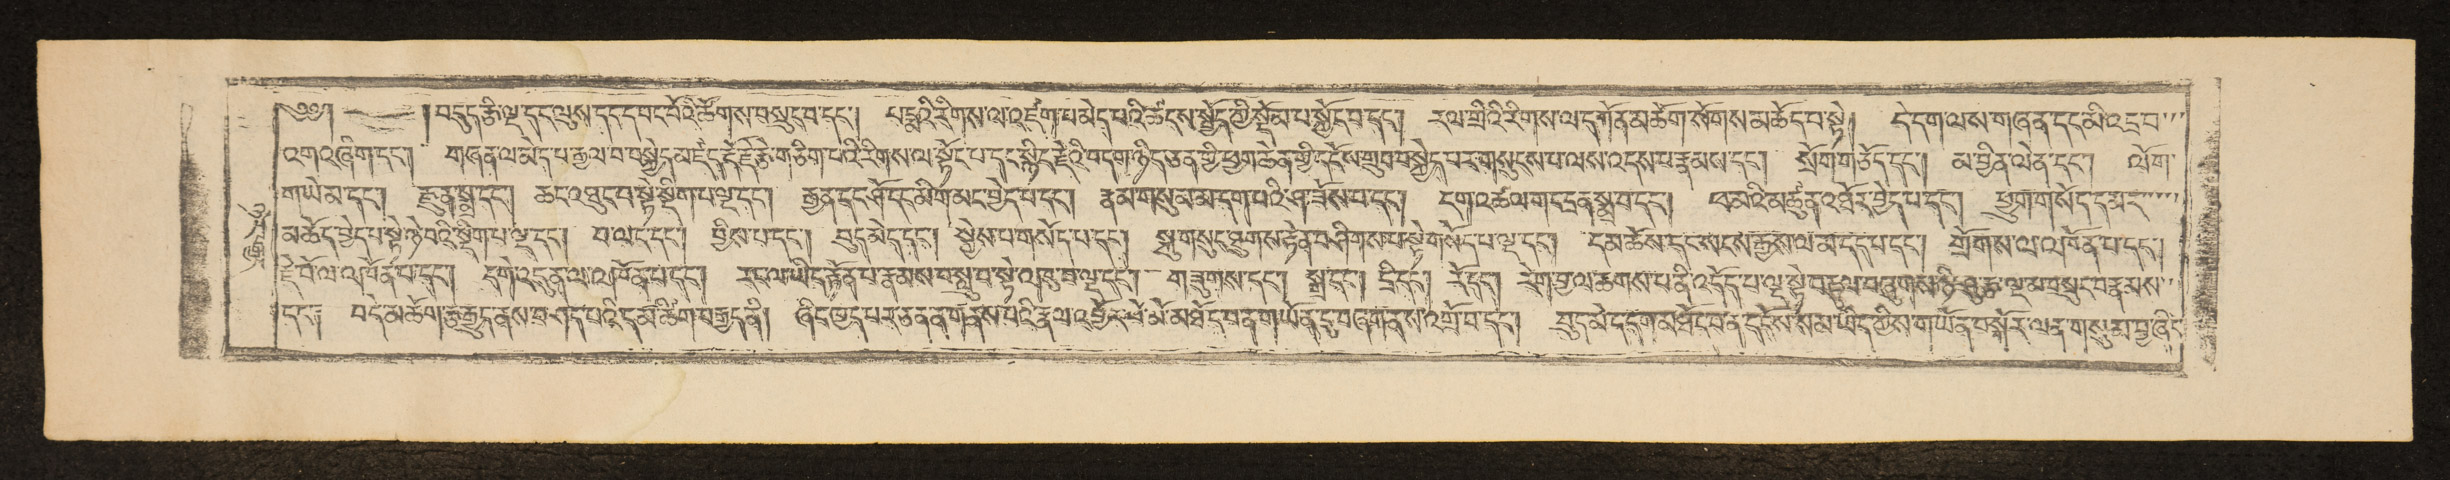༄༅། །བདུད་རྩི་ལྔ་དང་ལུས་དང་དབང་པོའི་ཚོགས་བསྲུང་བ་དང་། པདམའི་རིགས་ལ་འཛག་པ་མེད་པའི་ཚངས་སྦྱོད་ཀྱི་སྡོམ་པ་སྐྱོང་བ་དང་། རལ་གྲིའི་རིགས་ལ་དཀོན་མཆོག་སོགས་མཆོད་པ་སྟེ། དེ་དག་ལས་གཞན་དང་མི་འདྲ་བ་
འགའ་ཞིག་དང་། གཞན་ལ་མེད་པ་རྒྱལ་བ་བསྐྱེད་མཛད་རྡོ་རྗེ་རྩེ་གཅིག་པའི་རིགས་ལ་སྟོང་པ་དང་སྙིང་རྗེའི་བདག་ཉིད་ཅན་གྱི་ཕྱག་ཆེན་གྱི་དངོས་གྲུབ་བསྐྱེད་པར་གསུངས་པ་ལས་འདས་པ་རྣམས་དང་། སྲོག་གཅོད་དང་། མ་བྱིན་ལེན་དང་། ལོག་
གཡེམ་དང་། རྫུན་སྨྲ་དང་། ཆང་འཐུང་བ་སྟེ་སྡིག་པ་ལྔ་དང་། རྒྱན་དང་ཤོ་དང་མིག་མང་བྱེད་པ་དང་། རྣམ་གསུམ་མ་དག་པའི་ཤ་ཟོས་པ་དང་། དག་འཚལ་གང་དྲན་སྨྲ་བ་དང་། ཕ་མའི་མཚུན་འཐོར་བྱེད་པ་དང་། ཕྱུག་གསོད་དམར་
མཆོད་བྱེད་པ་སྟེ་ཉེ་བའི་སྡིག་པ་ལྔ་དང་། བ་ལང་དང་། བྱིས་པ་དང་། བུད་མེད་དང་། སྐྱེས་པ་གསོད་པ་དང་། སྐུ་གསུང་ཐུགས་རྟེན་བཤིགས་པ་སྟེ་གསོད་པ་ལྔ་དང་། དམ་ཆོས་དང་སངས་རྒྱས་ལ་མ་དད་པ་དང་། གྲོགས་ལ་འཁོན་པ་དང་།
རྗེ་བོ་ལ་འཁོན་པ་དང་། དགེ་འདུན་ལ་འཁོན་པ་དང་། རང་ལ་ཡིད་རྟོན་པ་རྣམས་བསླུ་བ་སྟེ་འཁུ་བ་ལྔ་དང་། གཟུགས་དང་། སྒྲ་དང་། དྲི་དང་། རོ་དང་། རེག་བྱ་ལ་ཆགས་པ་ནི་འདོད་པ་ལྔ་སྟེ་བརྟུལ་བཞུགས་ཉི་ཤུ་རྩ་ལྔ་མ་བསྲུང་བ་རྣམས་
དང༑ བདེ་མཆོག་རྩ་རྒྱུད་ནས་བཤད་པའི་དམ་ཚིག་བརྒྱད་ནི། ཞིང་ཁྱད་པར་ཅན་ན་གནས་པའི་རྣལ་འབྱོར་ཕོ་མོ་མཐོང་བ་ན་གཡོན་དུ་བཞག་ནས་འགྲོ་བ་དང་། བུད་མེད་དག་མཐོང་བ་ན་དངོས་སམ་ཡིད་ཀྱིས་གཡོན་བསྐོར་ལན་གསུམ་བྱ་ཞིང་